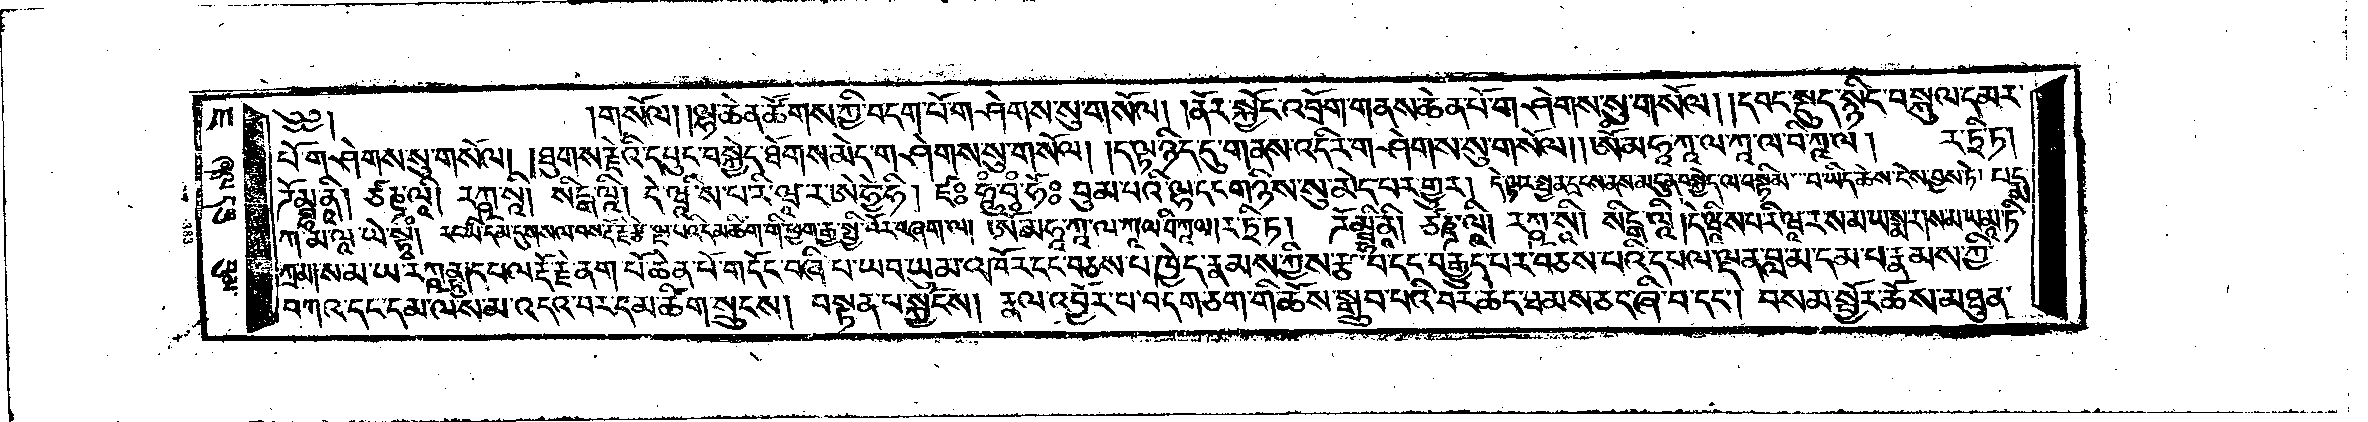༄༅། །གསོལ། །ལྷ་ཆེན་ཚོགས་ཀྱི་བདག་པོ་གཤེགས་སུ་གསོལ། །ནོར་སྐྱོང་འབྲོག་གནས་ཆེན་པོ་གཤེགས་སུ་གསོལ། །དབང་སྡུད་སྙིང་བསྐུལ་དམར་
པོ་གཤེགས་སུ་གསོལ། །ཐུགས་རྗེའི་དཔུང་བསྐྱེད་ཐོགས་མེད་གཤེགས་སུ་གསོལ། །ད་ལྟ་ཉིད་དུ་གནས་འདིར་གཤེགས་སུ་གསོལ། །ཨོཾ་མཧཱ་ཀཱ་ལ་ཀཱ་ལ་བི་ཀཱ་ལ། ར་ཏྲི་ཏ།
ཌོམྦྷ་ནཱི། ཙཎྜ་ལཱི། རཀྵ་སཱི། སིངྒ་ལཱི། དེ་ཝཱི་ས་བ་རི་ཝཱ་ར་ཨེ་ཧྱེ་ཧི། ཛཿཧཱུཾ་བཾ་ཧོཿ བུམ་པའི་ལྷ་དང་གཉིས་སུ་མེད་པར་གྱུར། དེ་ལྟར་སྤྱན་དྲངས་ནས་མདུན་བསྐྱེད་ལ་བསྟིམ་པ་ཡིད་ཆེས་ངེས་བྱས་ཏེ།  པདམ་
ཀ་མ་ལཱ་ཡེ་སྟྭཾ། རང་ཡི་དམ་དུ་གསལ་བས་རྡོ་རྗེ་རྩེ་ལྔ་པའི་དམ་ཚིག་གི་ཕྱག་རྒྱ་སྤྱི་བོར་བཞག་ལ།  ཨོཾ་མཧཱ་ཀཱ་ལ་ཀཱ་ལ་བི་ཀཱ་ལ། ར་ཏྲི་ཏ། ཌོམྦྷི་ནཱི། ཙོཎྜ་ལཱི། རཀྵ་སཱི། སིངྒ་ལཱི། དེ་ཝི་ས་པ་རི་ཝ་རས་མ་ཡ་སྨར། སམ་ཡ་མཱ་ཏི་
ཀྲ་མ༑ ས་མ་ཡ་རཀྵ་ནྟུ། དཔལ་རྡོ་རྗེ་ནག་པོ་ཆེན་པོ་གདོང་བཞི་པ་ཡབ་ཡུམ་འཁོར་དང་བཅས་པ་ཁྱེད་རྣམས་ཀྱིས་རྩ་བ་དང་བརྒྱུད་པར་བཅས་པའི་དཔལ་ལྡན་བླ་མ་དམ་པ་རྣམས་ཀྱིས་
བཀའ་དང་དམ་ལ་ས་མ་འདའ་བར་དམ་ཚིག་སྲུངས། བསྟན་པ་སྐྱོངས། རྣལ་འབྱོར་པ་བདག་ཅག་གི་ཆོས་སྒྲུབ་པའི་བར་ཆད་ཐམས་ཅད་ཞི་བ་དང་། བསམ་སྦྱོར་ཆོས་མཐུན་